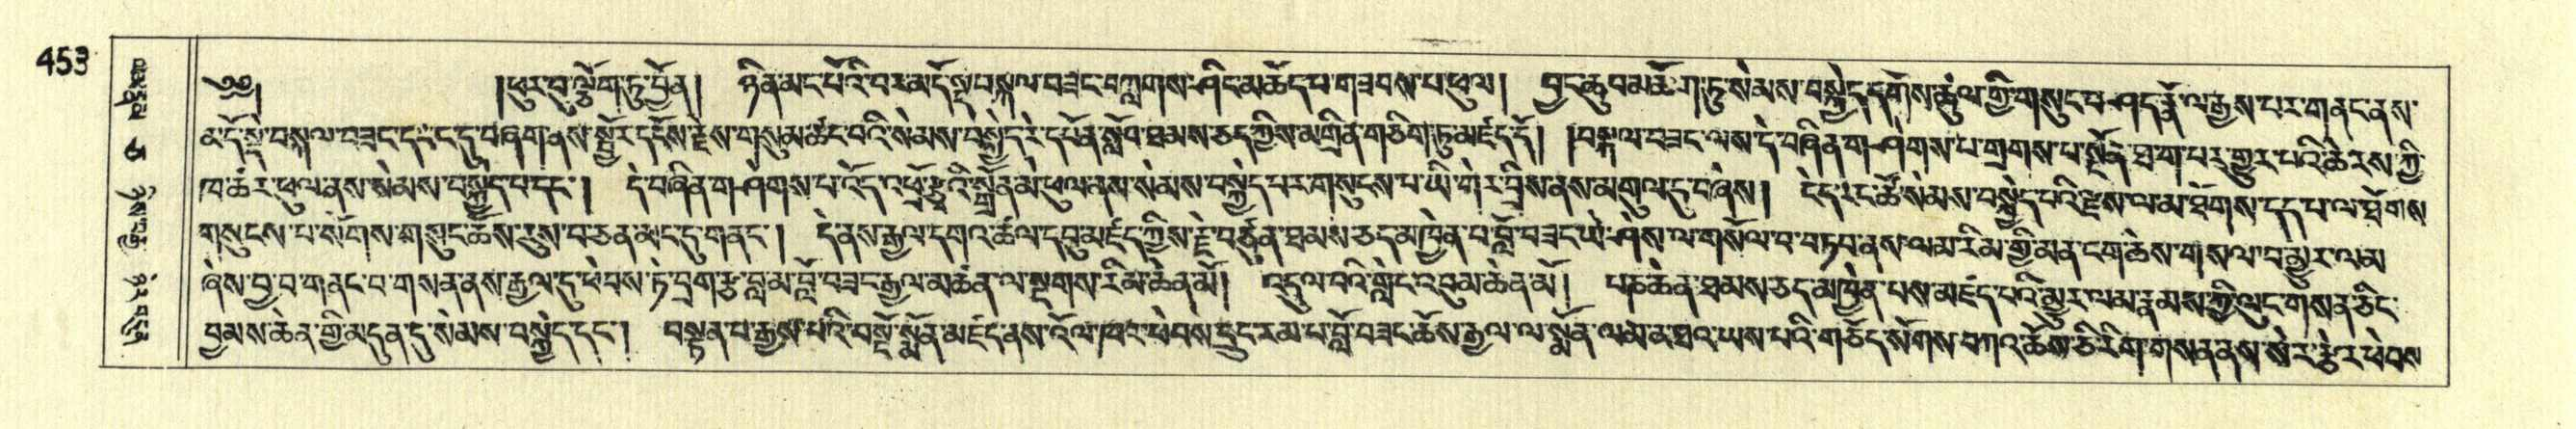༄༅། །ཕུར་བུ་ལྕོག་ཏུ་བྱོན། ཉིན་མང་པོའི་བར་མདོ་སྡ་བསྐལ་བཟང་བཀླགས་ཤིང་མཆོད་པ་གཟབས་པ་ཕུལ། བྱང་ཆུབ་མཆོག་ཏུ་སེམས་བསྐྱེད་དགོས་ཚུལ་གྱི་གསུང་བཤད་རྣོ་ལ་རྒྱས་པར་གནང་ནས་
མདོ་སྡེ་བསྐལ་བཟང་དབང་དུ་བཞག་ནས་སྦྱོར་དངོས་རྗེས་གསུམ་ཚང་བའི་སེམས་བསྐྱེད་རེ་དཔོན་སློབ་ཐམས་ཅད་ཀྱིས་མགྲིན་གཅིག་ཏུ་མཛད་དོ། །བསྐལ་བཟང་ལས་དེ་བཞིན་གཤེགས་པ་གྲགས་པ་སྔོན་ཐག་པར་གྱུར་པའི་ཆེ་རས་ཀྱི་
ཁ་ཚར་ཕུལ་ནས་སེམས་བསྐྱེད་པ་དང་། དེ་བཞིན་གཤེགས་པ་འོད་འཕྲོ་རྩྭའི་སྒྲོན་མེ་ཕུལ་ནས་སེམས་བསྐྱེད་པར་གསུངས་པ་ཡི་གེར་བྲིས་ནས་མགུལ་དུ་བཞེས། ངེད་རང་ཚོ་སེམས་བསྐྱེད་པའི་རྫས་ལ་མ་ཐོགས་དད་པ་ལ་ཐོགས་
གསུངས་པ་སོགས་གསུང་ཆོས་རུས་བ་ཅན་མང་དུ་གནང་། དེ་ནས་རྒྱལ་དགའ་ཚལ་དབུ་མཛད་ཀྱིས་རྗེ་བཙུན་ཐམས་ཅད་མཁྱེན་པ་བློ་བཟང་ཡེ་ཤེས་ལ་གསོལ་བ་བཏབ་ནས་ལམ་རིམ་གྱི་མན་ངག་ཆེས་གསལ་བ་མྱུར་ལམ་
ཞེས་བྱ་བ་གནང་བ་གསན་ནས་རྒྱལ་དུ་ཕེབས་ཏེ་བྲག་རྩ་བླ་མ་བློ་བཟང་རྒྱལ་མཚན་ལ་སྔགས་རིམ་ཆེན་མོ། འདུལ་བའི་གླེང་འབུམ་ཆེན་མོ། པཎ་ཆེན་ཐམས་ཅད་མཁྱེན་པས་མཛད་པའི་མྱུར་ལམ་རྣམས་ཀྱི་ལུང་གསན་ཅིང་
བྱམས་ཆེན་གྱི་མདུན་དུ་སེམས་བསྐྱེད་དང་། བསྟན་པ་རྒྱས་པའི་བསྔོ་སྨོན་མཛད་ནས་འོལ་ཁར་ཕེབས་དྲུང་རམ་པ་བློ་བཟང་ཆོས་རྒྱལ་ལ་སྨོན་ལམ་མཐའ་ཡས་པའི་གཅོད་སོགས་བཀའ་ཆོས་ཅི་རིགས་གསན་ནས་སེར་རྩེར་ཕེབས་